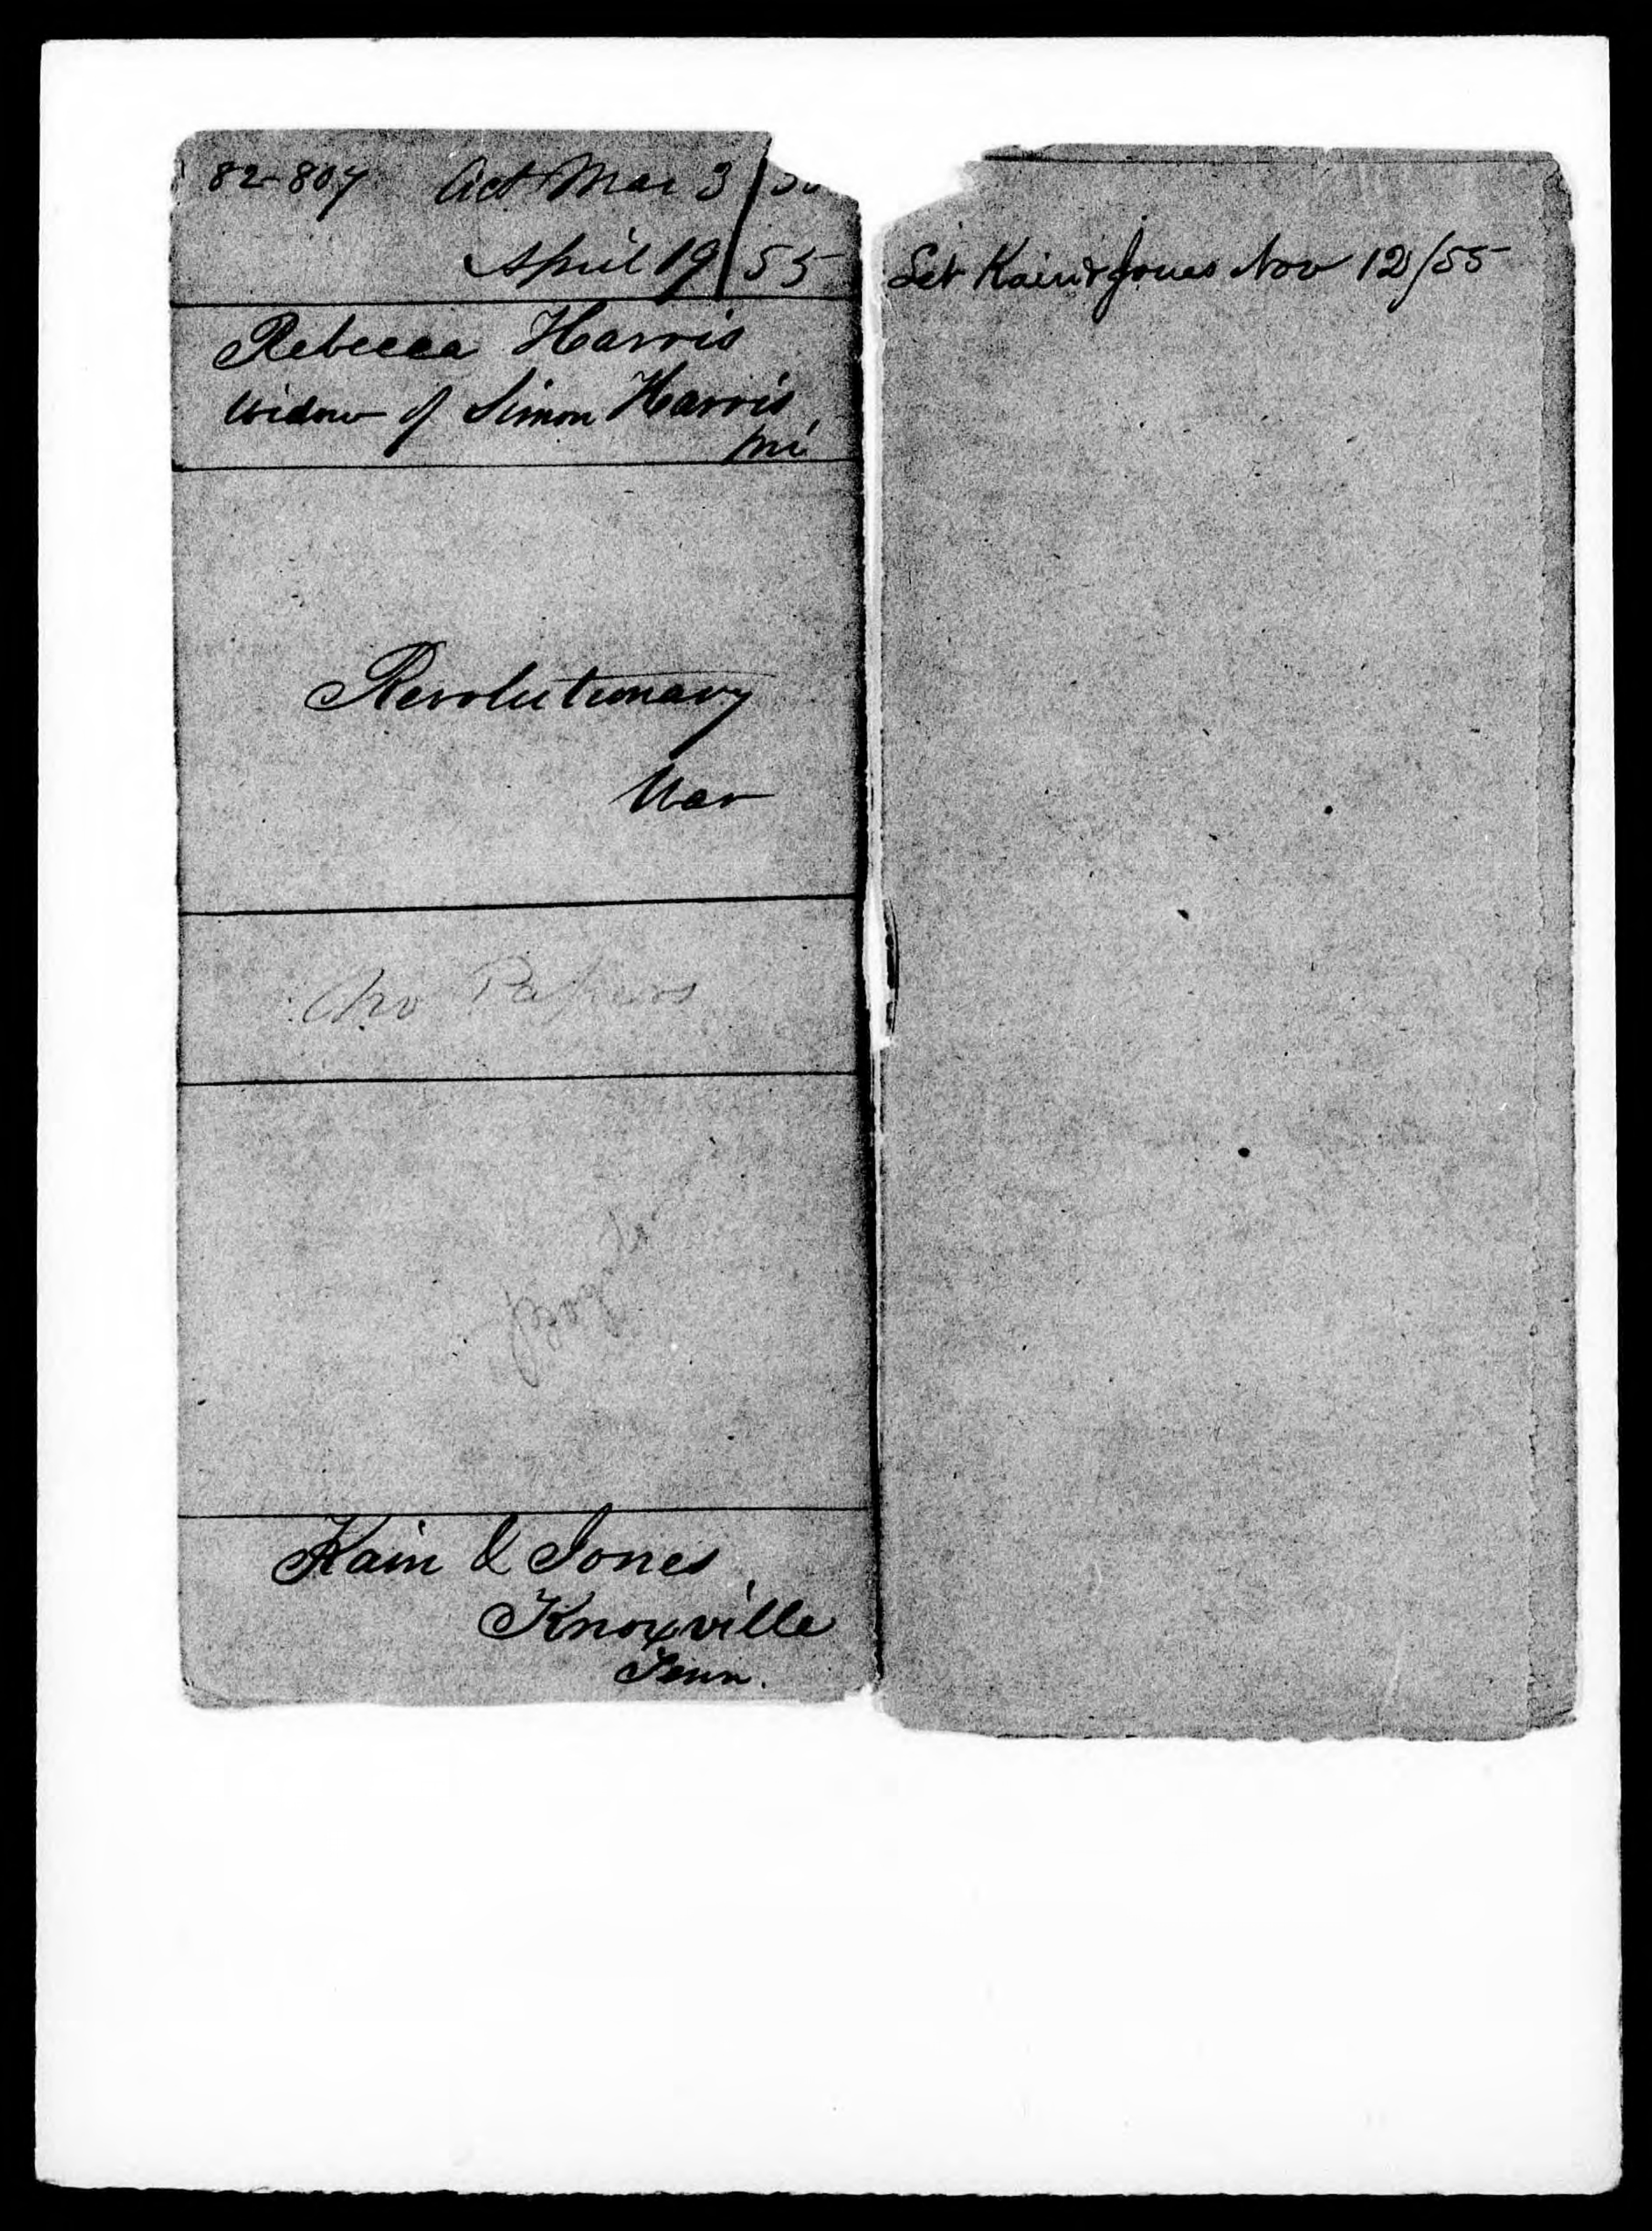82-804      Act MAR 3 | [missing]                      Ser Kain & Jones Nov 12/55
                        April 19 | 55
_____________________________________
                 Rebecca Harris
         Widow of Simon Harris
                                              mi
_____________________________________


Revolutionary
                     War
_____________________________________

No Passers
_____________________________________

Boynton
_____________________________________
Kain&Jones 
           Knoxville 
                    Tenn.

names: Kain, Kain, Jones, Jones, Boynton, Rebecca Harris, Simon Harris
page: 2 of 24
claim: rejected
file: R. 4684, Simon Harris, Va.